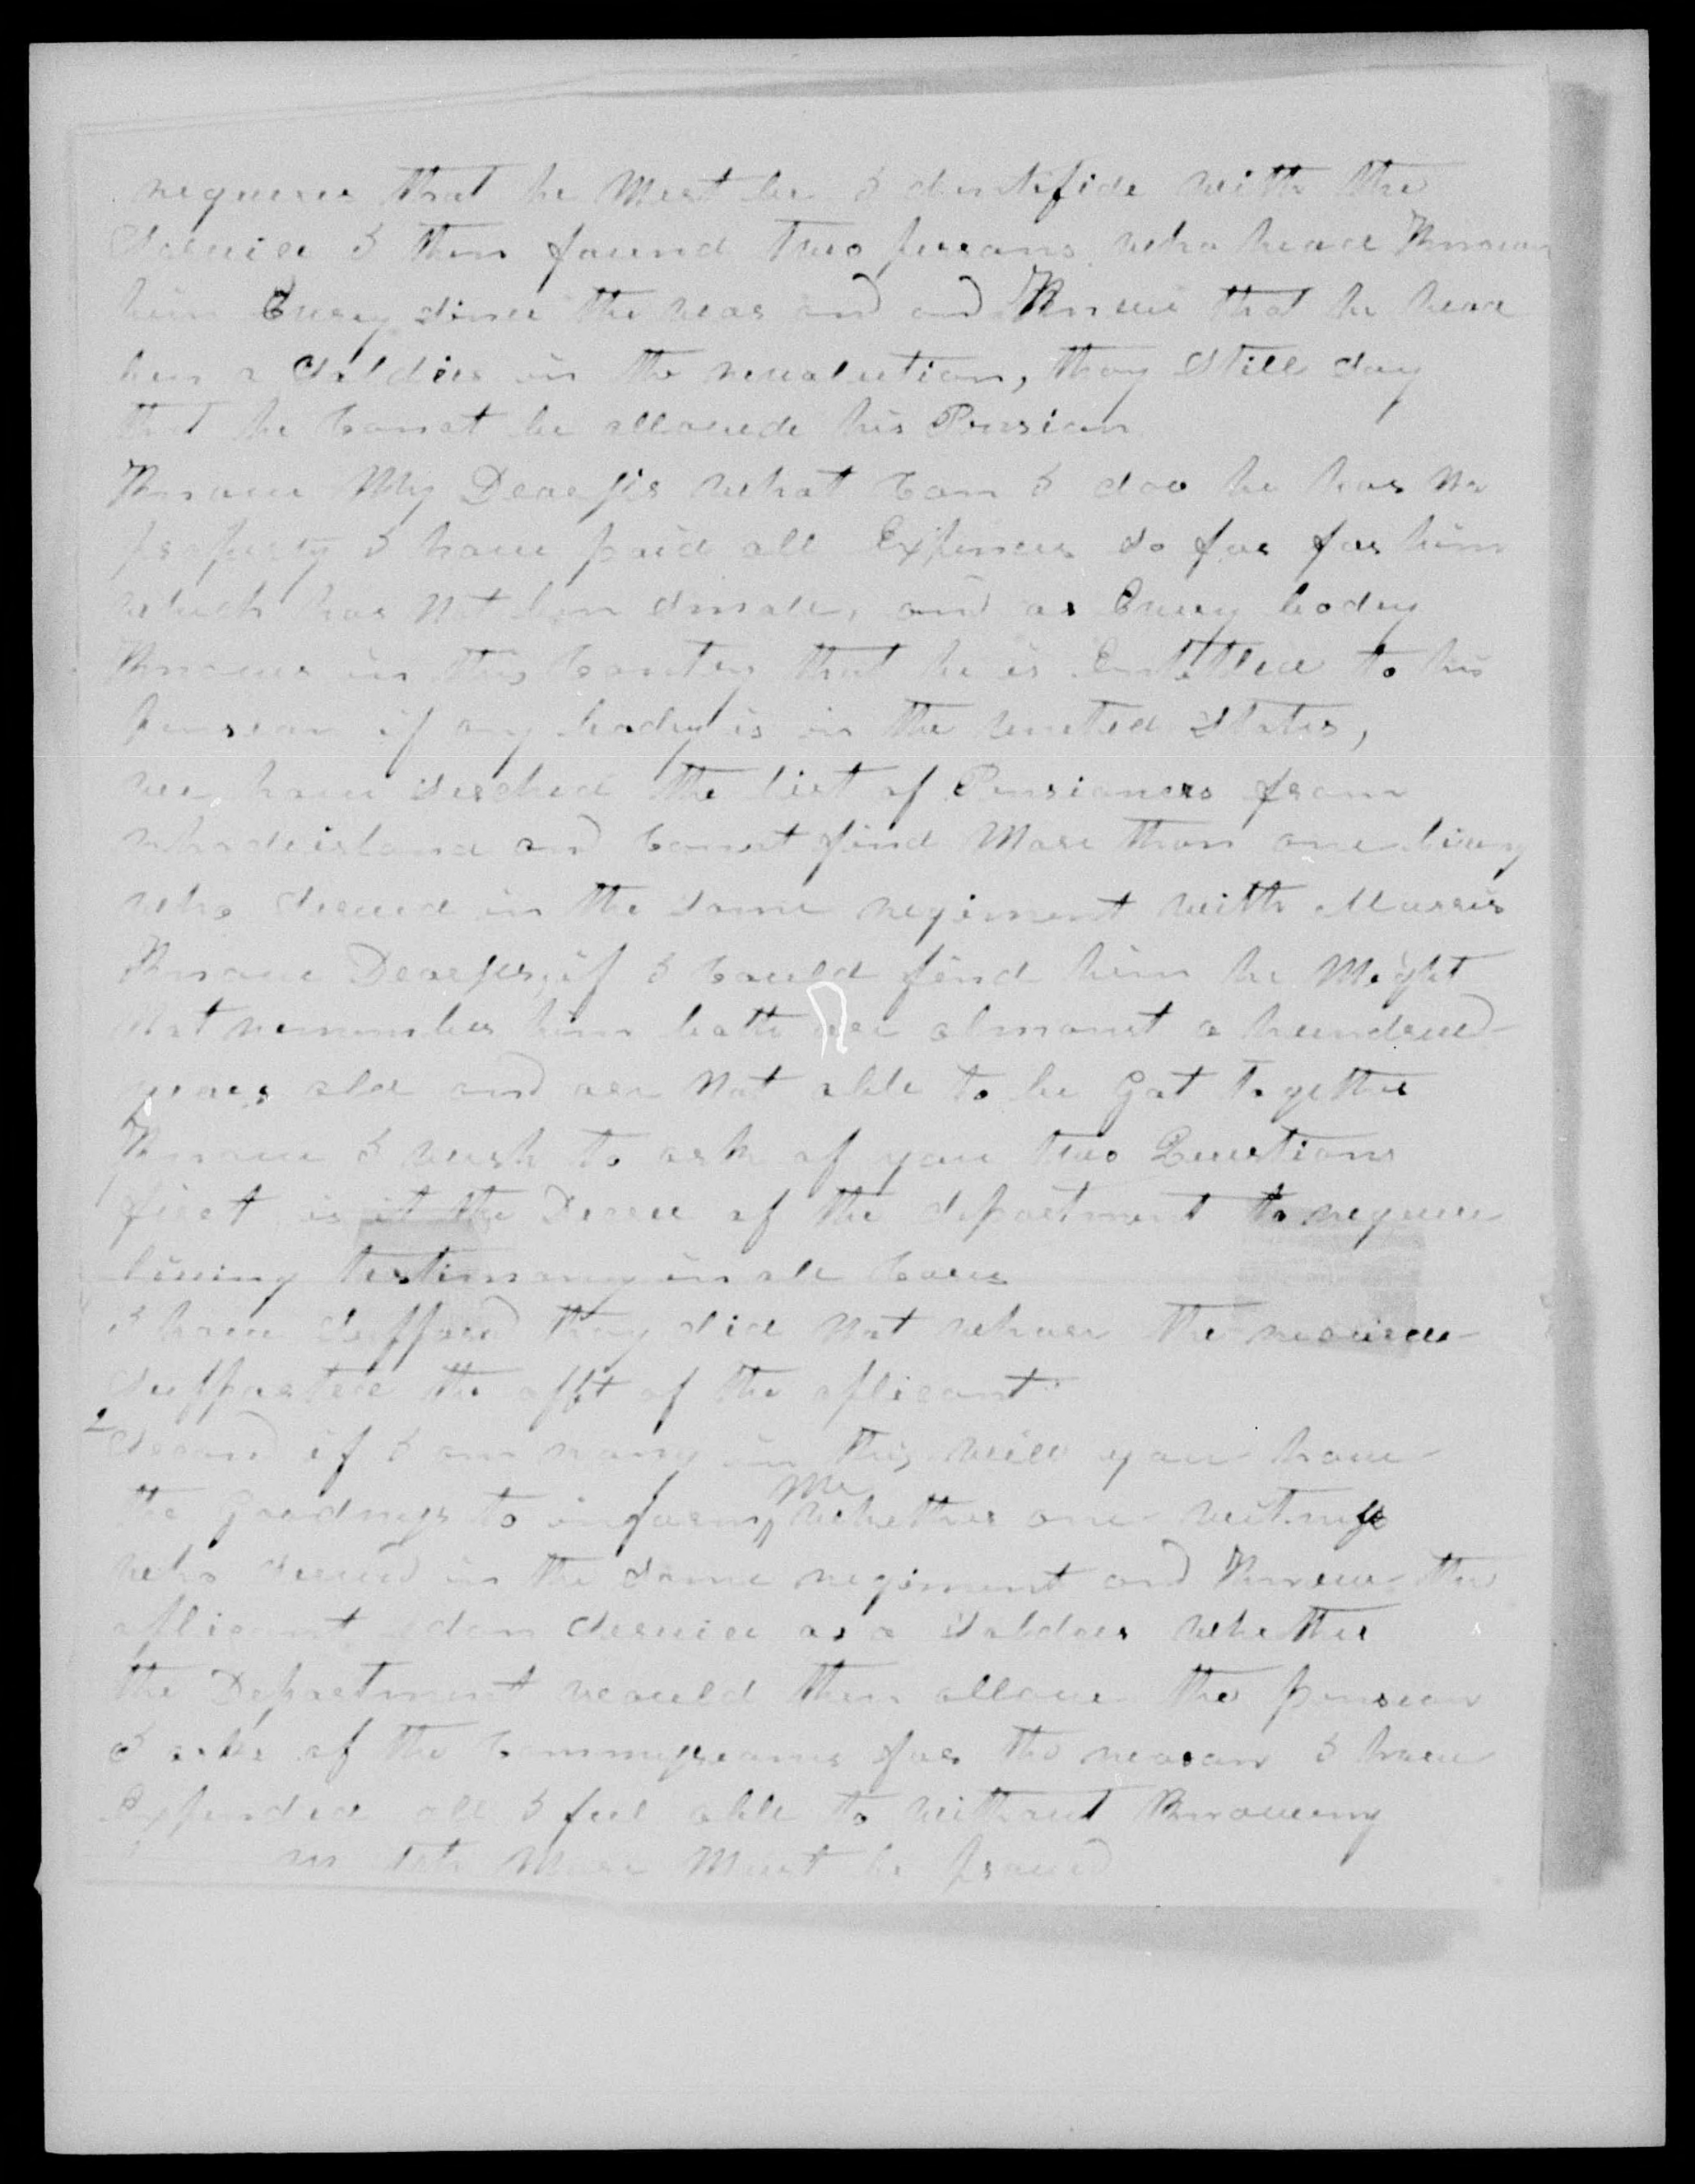requires that he must be Identified with the Service I then found two persons who have known him ever since the war and knew that he had been a soldier in the revolution, they still say that he cannot be allowed his Pension.
My Dear Sirs what am I to do.  He has no property I have paid all Expenses so far for him which has not been small, and as every body knows in this Country that he is Entitled to his pension if any body is in the United States, we have searched the list of pensioners from Rhode Island and cannot find more than one living who served in the same regiment with Morris. Thence Dear sirs, if I could find him he might not remember him both are almost a hundred years old and are not able to be got together.  Thence I must to ask of you two questions first is it the desire of the department to require living testimony in all cases I have supposed they did not where the [unreadable] supported the affidavit of the applicant. Second if I am [unreadable] in this will you have the [unreadable] to inform Mr. Whethers one witness who served in the same regiment and knew the applicant [unreadable] service as a soldier whether the department would then allow the pension I ask of the commission for the reason I have explained all I feel able to without knowing how much more must be found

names: [BLANK] Archetta; [BLANK] Morris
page: 12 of 44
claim: survivor's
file: S. 28,815, for Philip Morris, Rhode Island